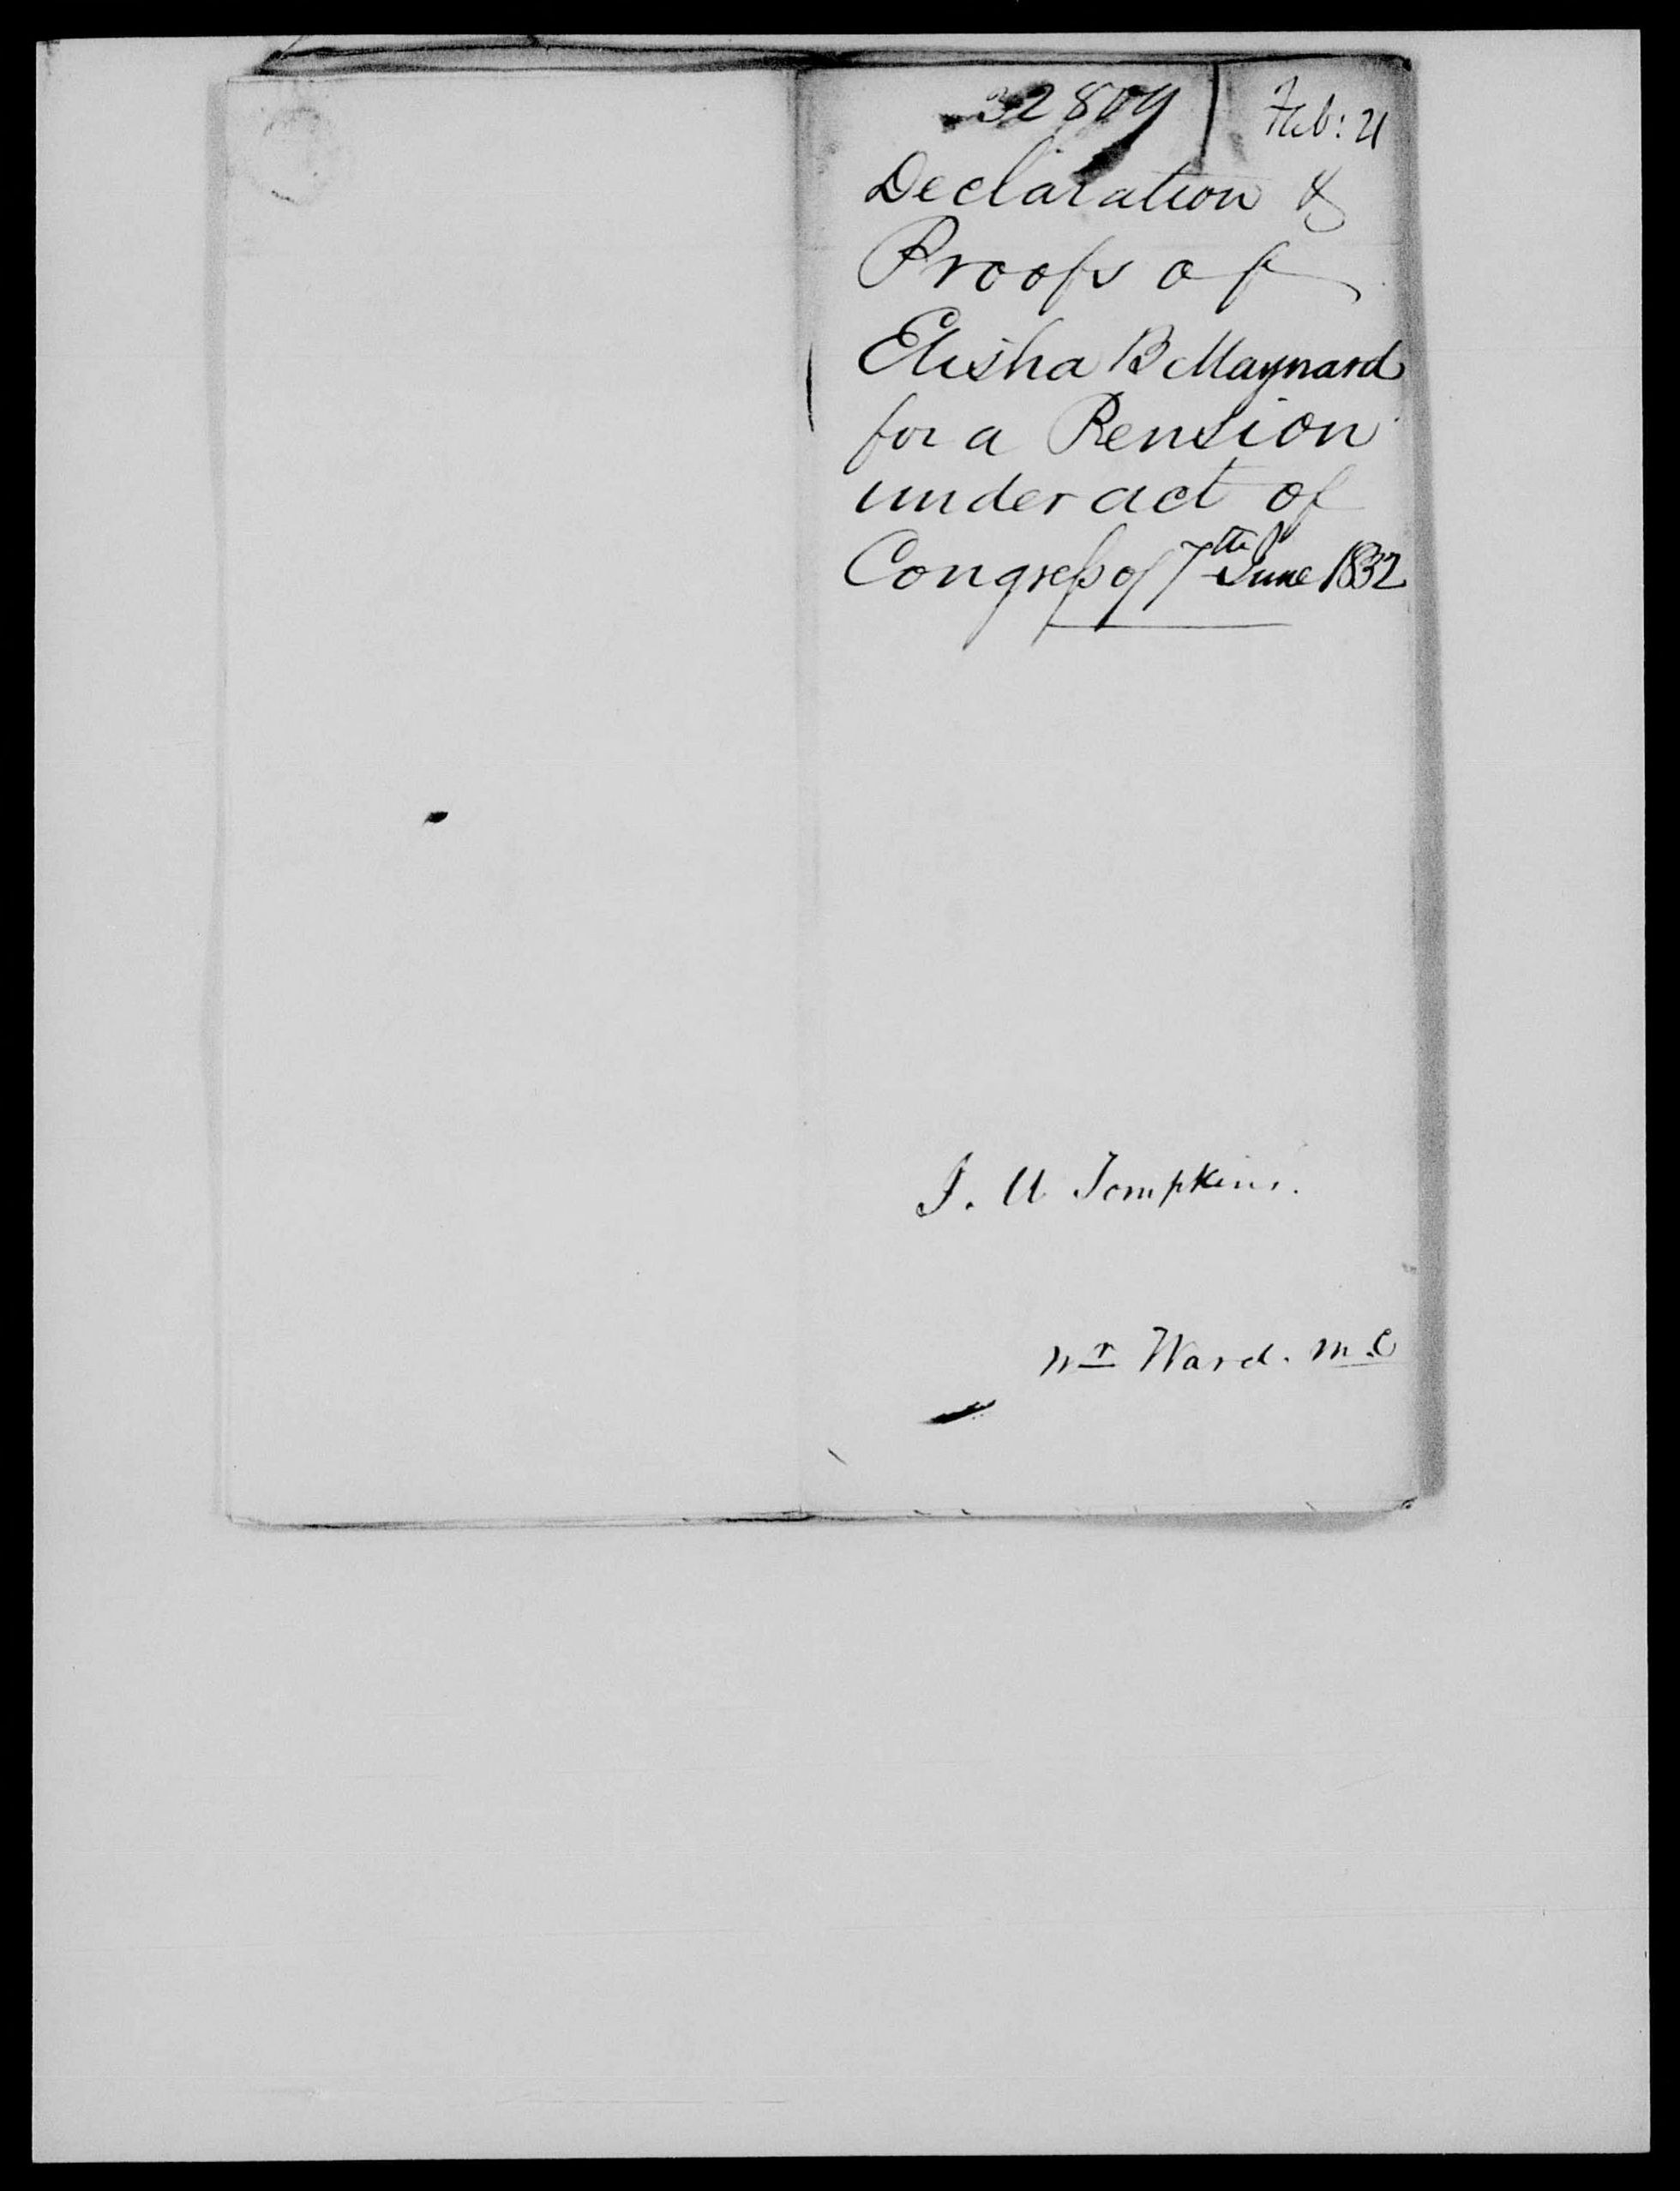Proof of
Elisha B Maynard
for a Pension
under act of 
Congress 7th June 1832

J. U. Tompkins

Mr. Ward M.C.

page: 25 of 33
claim: rejected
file: R. 7,063, for Elisha B Maynard, New York